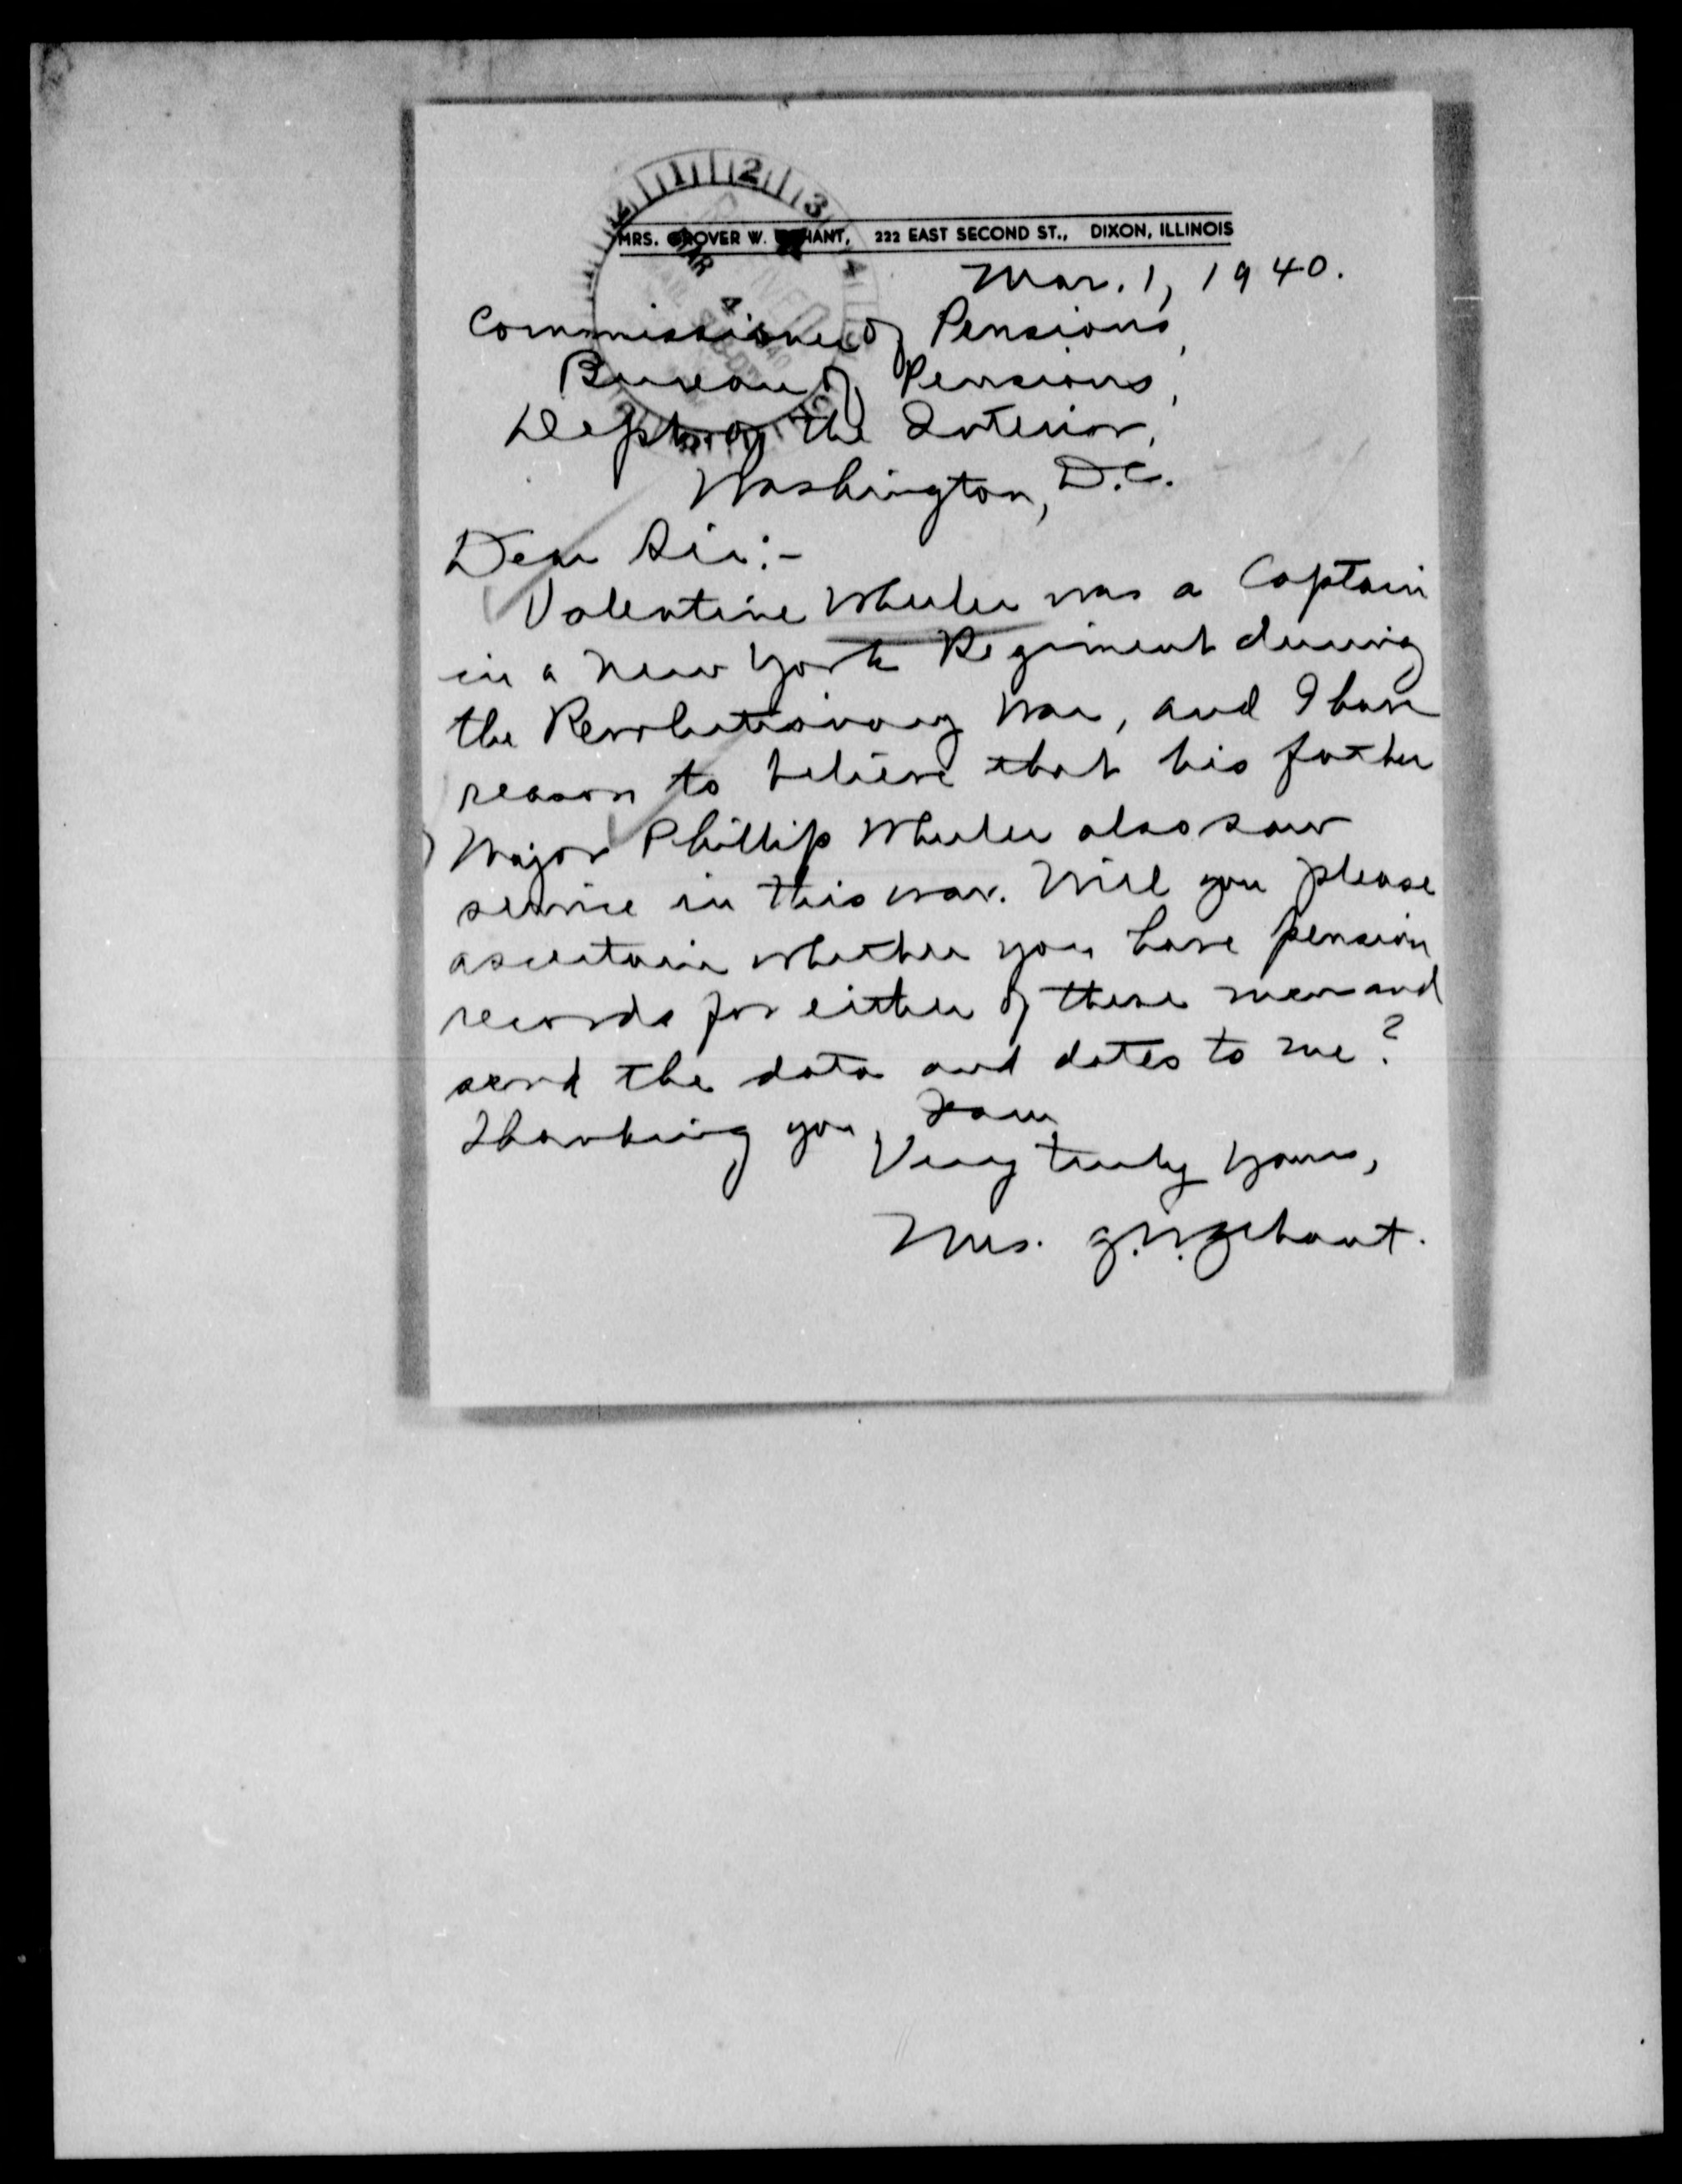[Stamped-Received mar 3 1940 Mail Sub-Div)

Mr. Grover W. Gehant
222 East Second St., Dixon Illinois

Mar. 1, 1940
Commissioner of Pensions
Bureau of Pensions
Dept. of the Interior
Washington, D. C. 

Dear Sir:
Valentine Wheeler was a Captain in a New York Regiment during the Revolutionary war, and I have reason to believe that his father Major Phillip Wheeler also saw service in this war. Will you please ascertain whether you have pension records for either of these men and send the data and dates to me?
Thanking you, I am
Mrs. G. W. Gehant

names: Phillip Wheeler, Volentine Wheeler, G W Gehant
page: 54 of 98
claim: widow's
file: W. 1682, Valentine Wheeler, Mass.